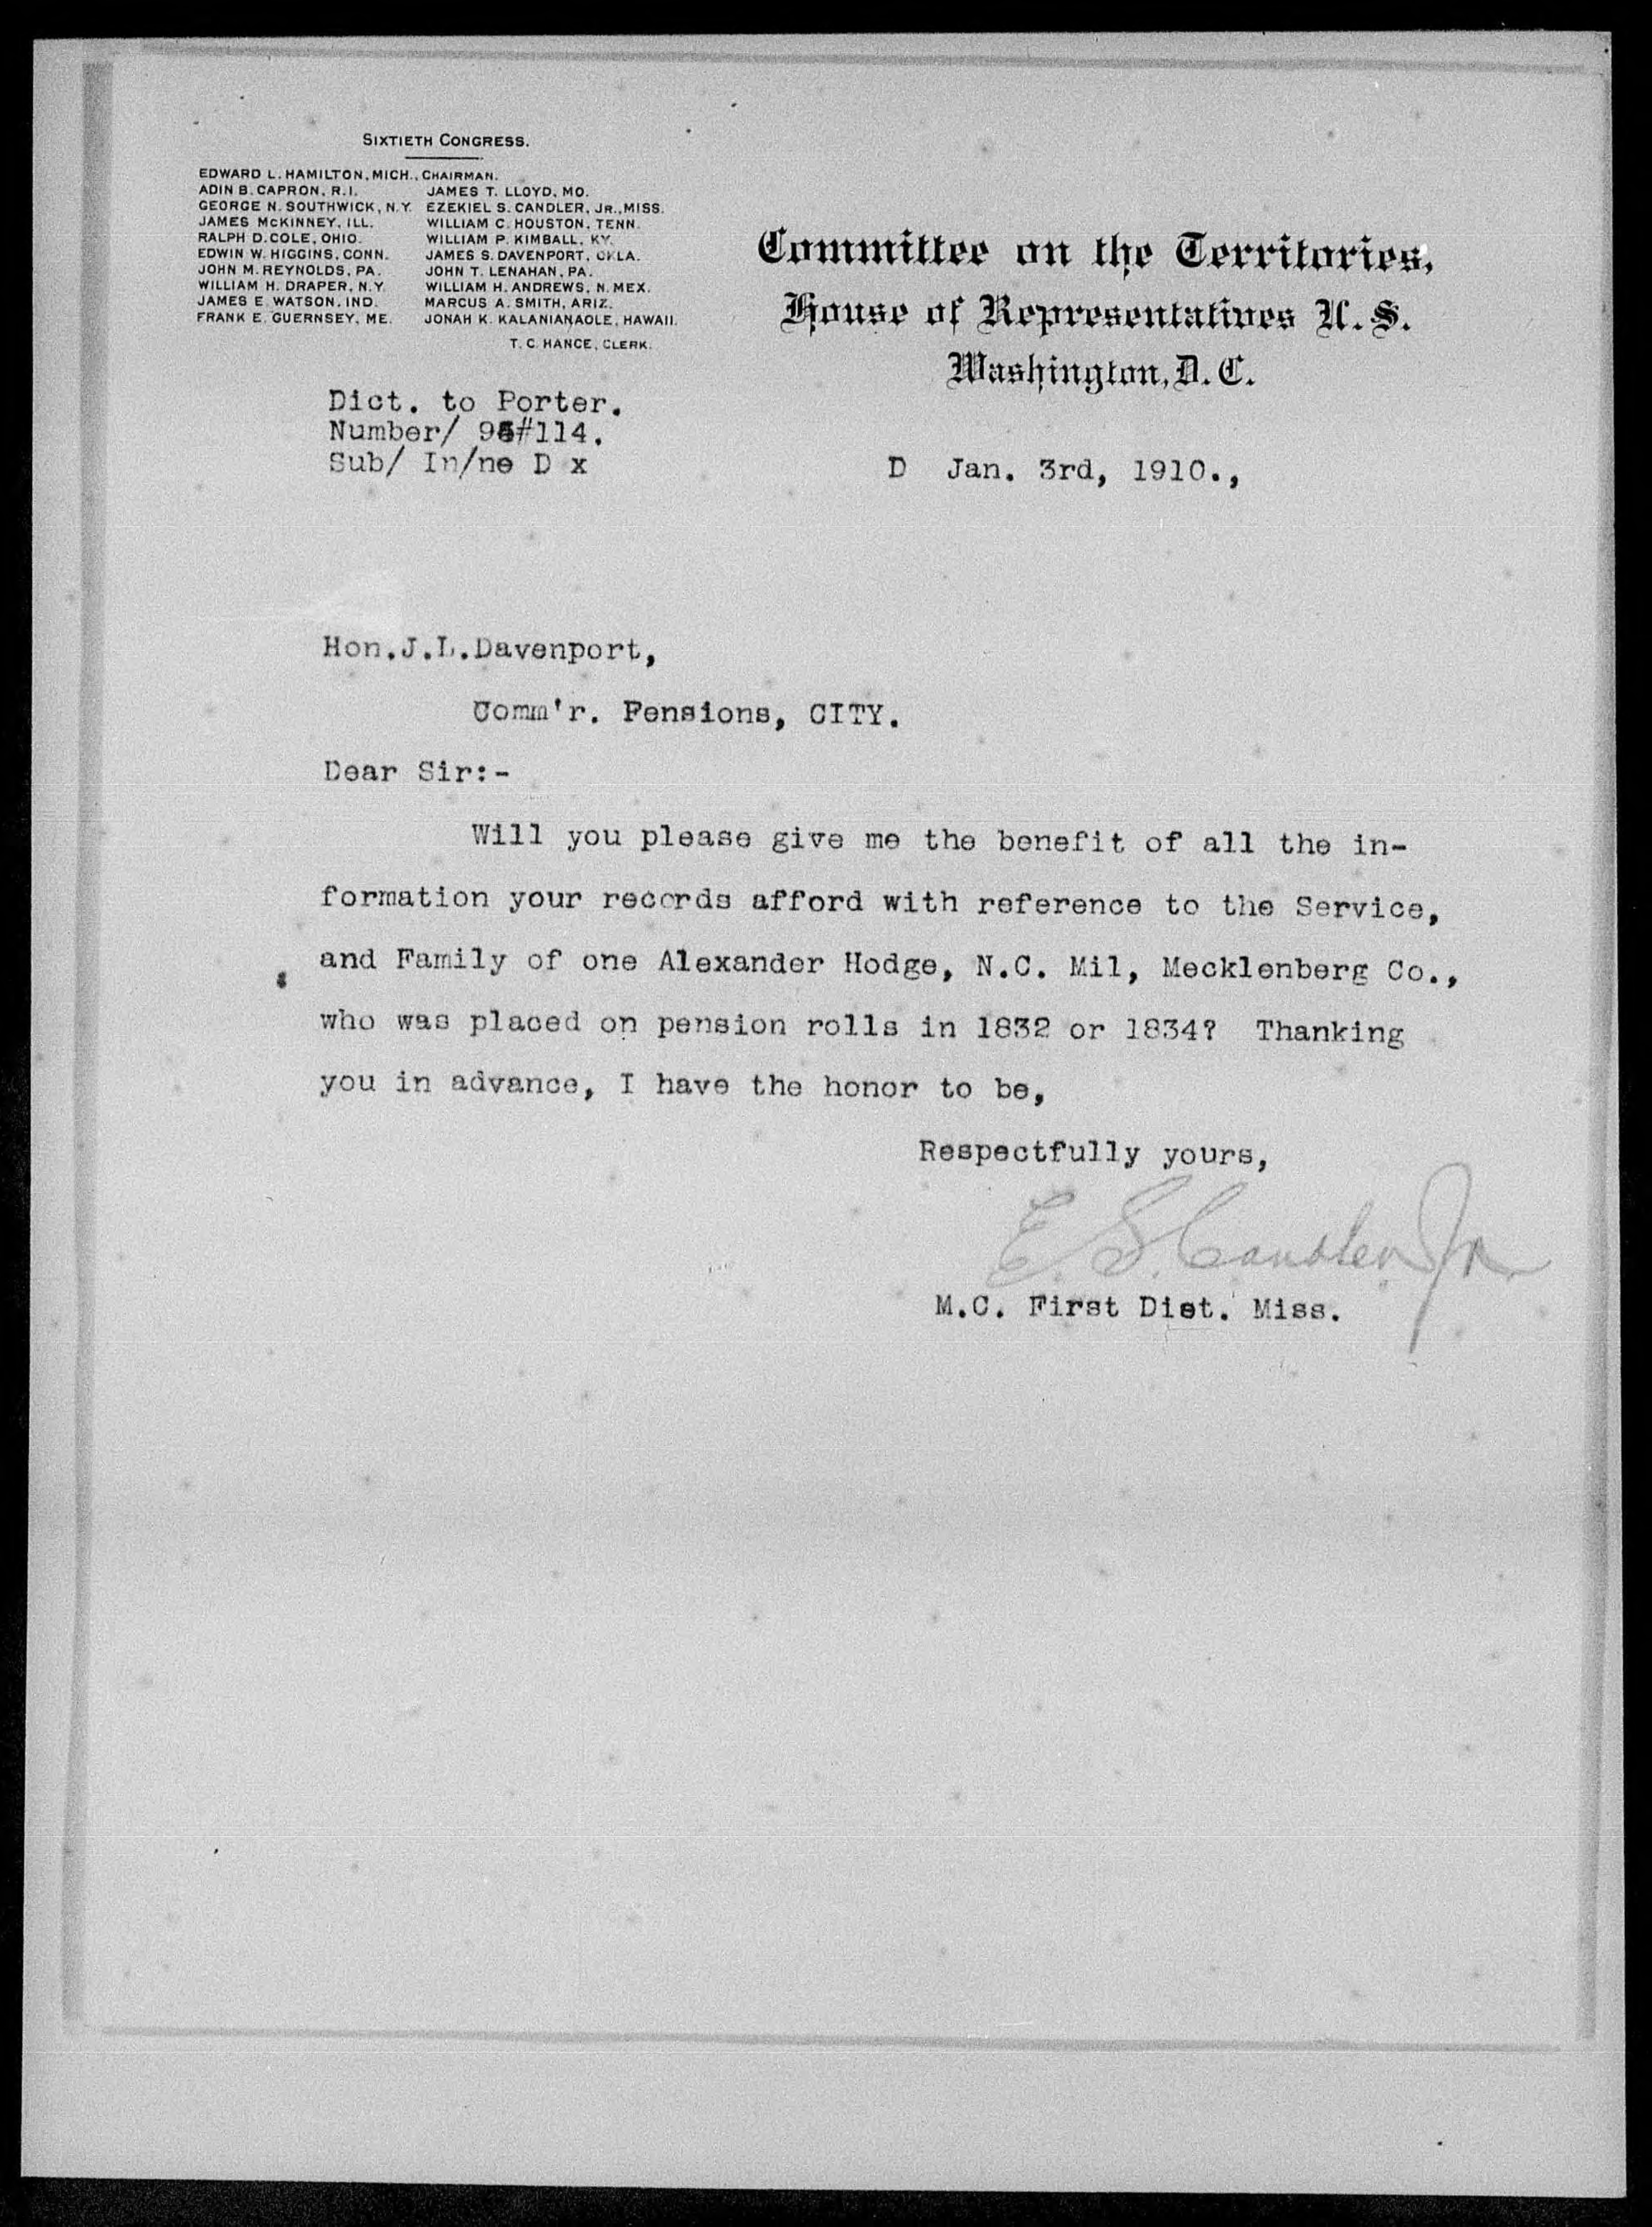SIXTIETH CONGRESS.
EDWARD L. HAMILTON, MICH., CHAIRMAN
ADIN B. CAPTON, R. I.
GEORGE N. SOUTHWICK, N.Y.
JAMES MCKINNER, ILL.
RALPH D. COLE, OHIO.
EDWIN W. HIGGINS, CONN.
JOHN M. DRAPER, N.Y.
JAMES E. WATSON, IND.
FRANK E. GUERNSEY, ME.

JAMES T. LLOYD, MO.
EZEKIEL S. CANDLER, JR., MISS.
WILLIAM C. HOUSTON, TENN.
WILLIAM P. KIMBALL, KY.
JAMES S. DAVENPORT, OKLA.
JOHN T. LENAHAN, PA.
WILLIAM H. ANDREWS, N. MEX.
MARCUS A. SMITH, ARIZ.
JONAH K. KALANIANAOLE, HAWAII.
T.C. HANCE, CLERK

Committee on the Territories,
House of Representative, U.S.
Washington, D.C.

Dict. to Porter.
Number / 95#114.
Sub/ In/ne D x 

D  Jan. 3rd, 1910.,

Hon.J.L. Davenport,
Comm’r Pensions, CITY.

Dear Sir: -
Will you please give me the benefit of all the information your records afford with reference to the Services, and Family of one Alexander Hodge, N.C. Mil, Mecklenberg Co., who was placed on pension rolls in 1832 or 1834?  Thanking you in advance, I have the honor to be,
Respectfully yours,
E. S. Candler Jr
M.C. First Dist. Miss.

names: William H Draper, William C Houston, James S Davenport, J L Davenport, Edwin W Higgins, James Mckinney, Jonah K Kalanianaole, Adin B Capron, T C Hance, Alexander Hodge, Ralph D Cole, James E Watson, Marcus A Smith, John T Lenahan, William H Andrews, E S Candler, John M Reynolds, Frank E Guernsey, James T Lloyd, Edward L Hamilton, Ezekiel S Candler, George N Southwick, William P Kimball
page: 14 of 14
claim: survivor's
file: S. 8737, Alexander Hodge, N.C.